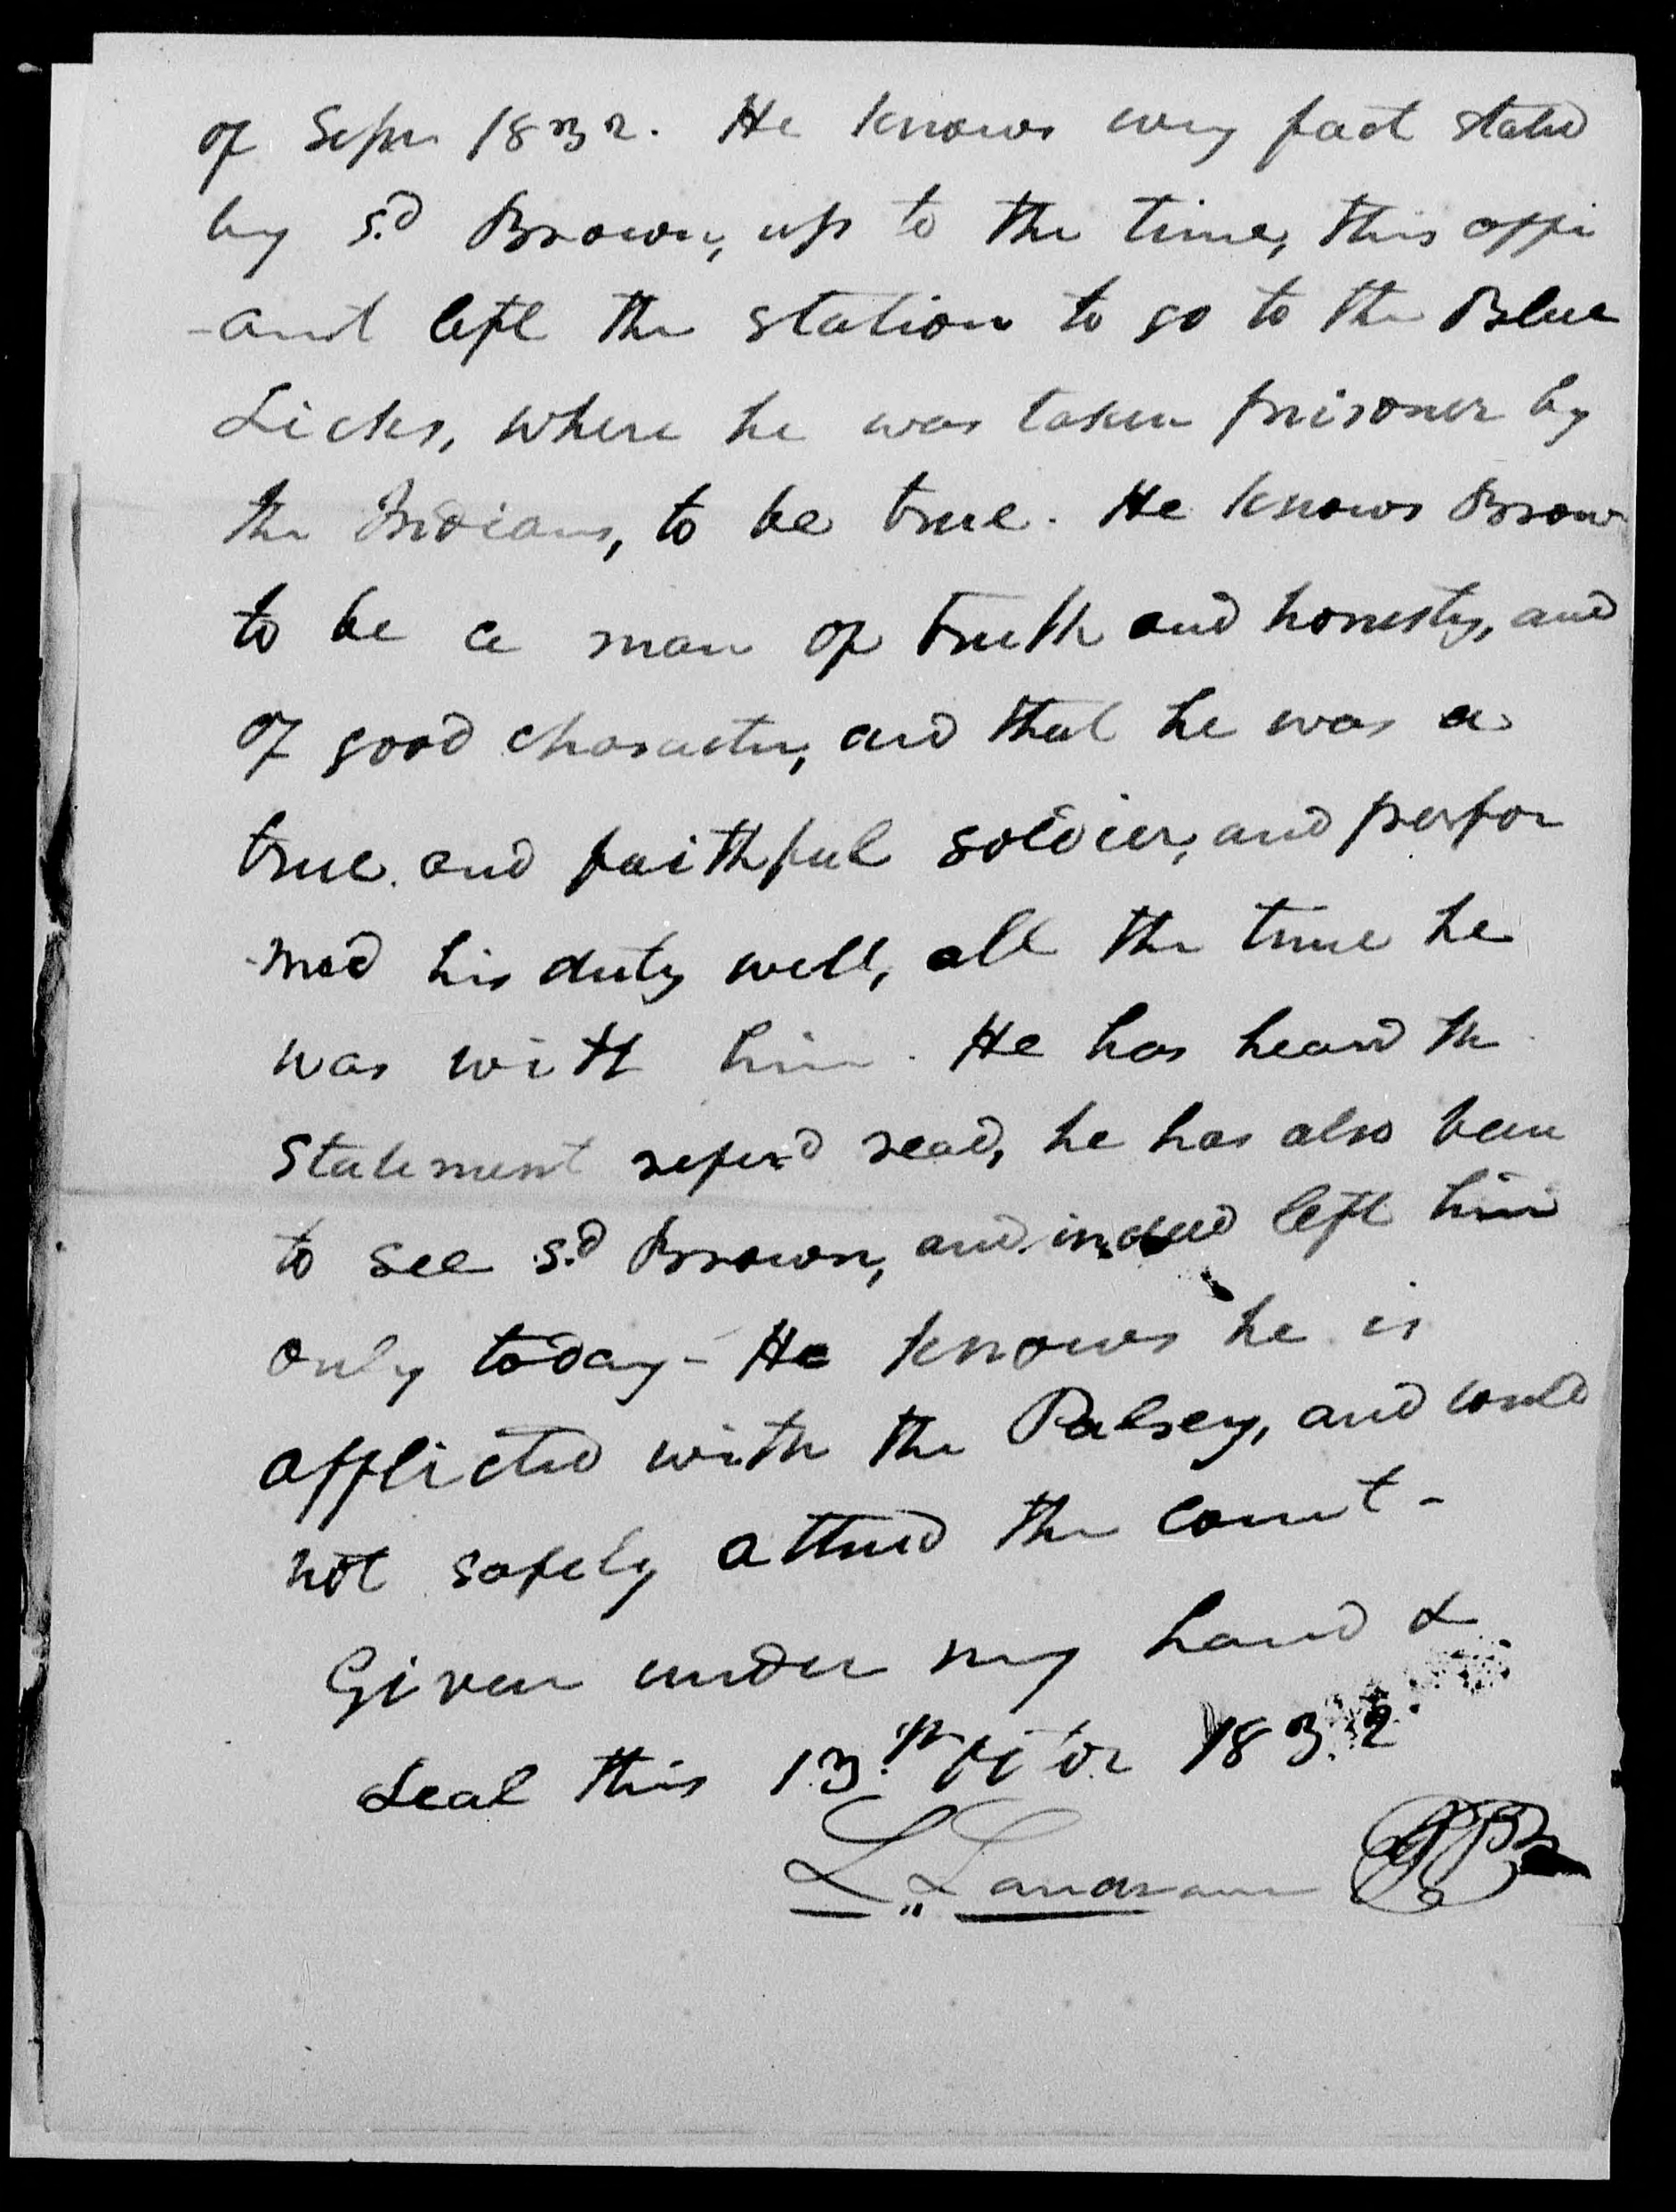of Sept. 1832.  He knows every fact stated by said Brown, up to the time, this office and left the station to go to the Blue Licks, where he was taken prisoner by the Indians, to be true.  He knows Brown to be a man of truth and honesty, and of good character and that he was a true and faithful soldier, and performed his duty well, all the time he was with him.  He has heard the statement depon'd [deponent] read, he has also been to see said Brown, and indeed left him only today-- He knows he is afflicted with the Palsey, and could not safely attend the Court--
Given under my hand & Seal this 13th [illeg.] 1832
L. Landram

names: Brown, Brown, Brown, L Landram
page: 54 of 65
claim: widow's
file: W. 8384, Arabia Brown, Va.